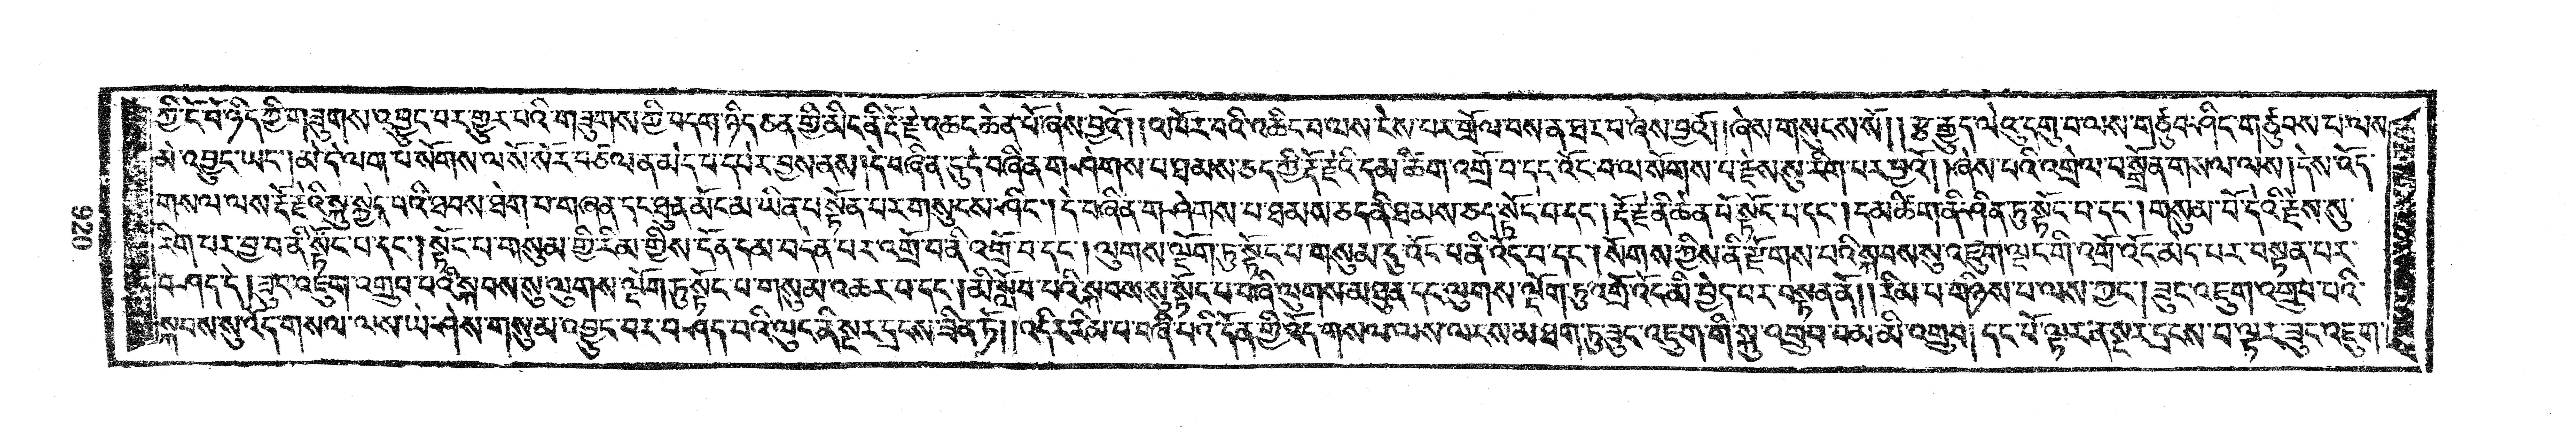ཀྱི་ངོ་བོ་ཉིད་ཀྱི་གཟུགས་འབྱུང་བར་གྱུར་པའི་གཟུགས་ཀྱི་བདག་ཉིད་ཅན་གྱི་མིང་ནི་རྡོ་རྗེ་འཆང་ཆེན་པོ་ཞེས་བྱའོ། །འཁོར་བའི་འཆིང་བ་ལས་ངེས་པར་གྲོལ་བས་ན་ཐར་པ་ཞེས་བྱའོ། །ཞེས་གསུངས་སོ། །རྩ་རྒྱུད་ལེའུ་དགུ་པ་ལས་གཙུབ་ཤིང་གཙུབས་པ་ལས་
མེ་འབྱུང་ཡང་། མེ་དེ་ལག་པ་སོགས་ལ་སོ་སོར་བཙལ་ན་མེད་པ་དཔེར་བྱས་ནས། དེ་བཞིན་དུ་དེ་བཞིན་གཤེགས་པ་ཐམས་ཅད་ཀྱི་རྡོ་རྗེའི་དམ་ཚིག་འགྲོ་བ་དང་འོང་བ་ལ་སོགས་པ་རྗེས་སུ་རིག་པར་བྱའོ། །ཞེས་པའི་འགྲེལ་བ་སྒྲོན་གསལ་ལས། དེས་འོད་
གསལ་ལས་རྡོ་རྗེའི་སྐུ་སྐྱེད་པའི་ཐབས་ཐེག་པ་གཞན་དང་ཐུན་མོང་མ་ཡིན་པ་སྟོན་པར་གསུངས་ཤིང་། དེ་བཞིན་གཤེགས་པ་ཐམས་ཅད་ནི་ཐམས་ཅད་སྟོང་པ་དང་། རྡོ་རྗེ་ནི་ཆེན་པོ་སྟོང་པ་དང་། དམ་ཚིག་ནི་ཤིན་ཏུ་སྟོང་པ་དང་། གསུམ་པོ་དེའི་རྗེས་སུ་
རིག་པར་བྱ་བ་ནི་སྟོང་པ་དང་། སྟོང་པ་གསུམ་གྱི་རིམ་གྱིས་དོན་དམ་བདེན་པར་འགྲོ་བ་ནི་འགྲོ་བ་དང་། ལུགས་ལྡོག་ཏུ་སྟོང་པ་གསུམ་དུ་འོང་བ་ནི་འོང་བ་དང་། སོགས་ཀྱིས་ནི་རྫོགས་པའི་སྐབས་སུ་འཇུག་ལྡང་གི་འགྲོ་འོང་མེད་པར་བསྟེན་པར་
བཤད་དེ། ཟུང་འཇུག་འགྲུབ་པའི་སྐབས་སུ་ལུགས་ལྡོག་ཏུ་སྟོང་པ་གསུམ་འཆར་བ་དང་། མི་སློབ་པའི་སྐབས་སུ་སྟོང་པ་བཞི་ལུགས་མཐུན་དང་ལུགས་ལྡོག་ཏུ་འགྲོ་འོང་མི་བྱེད་པར་བསྟན་ནོ། །རིམ་པ་གཉིས་པ་ལས་ཀྱང་། ཟུང་འཇུག་འགྲུབ་པའི་
སྐབས་སུ་འོད་གསལ་ལས་ཡེ་ཤེས་གསུམ་འབྱུང་བར་བཤད་པའི་ལུང་ནི་སྔར་དྲངས་ཟིན་ཏོ། །འདིར་རིམ་པ་བཞི་པའི་དོན་གྱི་འོད་གསལ་ལས་ལངས་མ་ཐག་ཏུ་ཟུང་འཇུག་གི་སྐུ་འགྲུབ་བམ་མི་འགྲུབ། དང་པོ་ལྟར་ན་སྔར་དྲངས་པ་ལྟར་ཟུང་འཇུག་